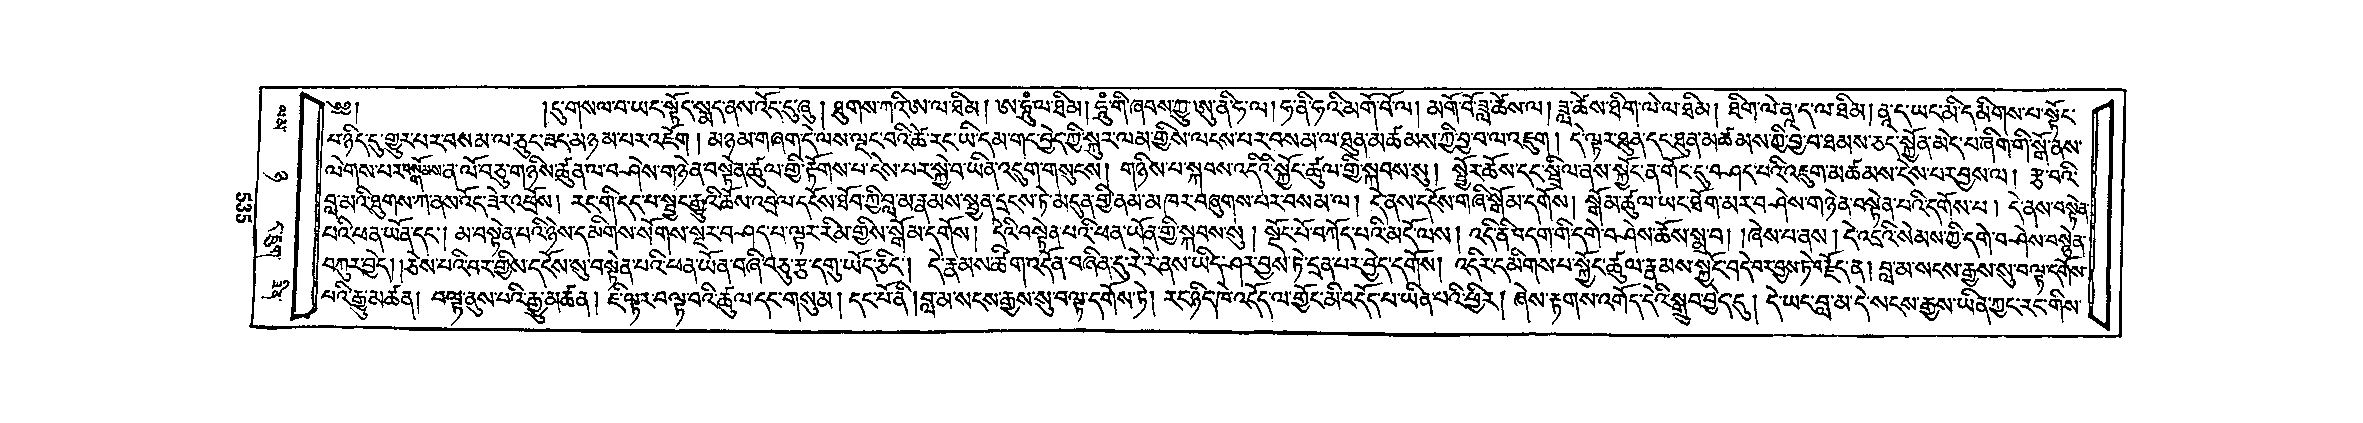༄༅། །དུ་གསལ་བ་ཡང་སྟོད་སྨད་ནས་འོད་དུ་ཞུ། ཐུགས་ཀའི་ཨ་ལ་ཐིམ། ཨ་ཧཱུཾ་ཐིམ། ཧཱུཾ་གི་ཞབས་ཀྱུ་ཨུ་ནི་ཧ་ལ། ཧ་ནི་ཧའི་མགོ་བོ་ལ། མགོ་བོ་ཟླ་ཚེས་ལ། ཟླ་ཚེས་ཐིག་ལེ་ལ་ཐིམ། ཐིག་ལེ་ནཱ་ད་ལ་ཐིམ། ནཱ་ད་ཡང་མི་དམིགས་པ་སྟོང་
པ་ཉིད་དུ་གྱུར་པར་བསམ་ལ་ཅུང་ཟད་མཉམ་པར་འཇོག །མཉམ་གཞག་དེ་ལས་ལྡང་བའི་ཚེ་རང་ཡི་དམ་གང་བྱེད་ཀྱི་སྐུར་ལམ་གྱིས་ལངས་པར་བསམ་ལ་ཐུན་མཚམས་ཀྱི་བྱ་བ་ལ་འཇུག །དེ་ལྟར་ཐུན་དང་ཐུན་མཚམས་ཀྱི་བྱ་བ་ཐམས་ཅད་སྐྱོན་མེད་པ་ཞིག་གི་སྒོ་ནས་
ལེགས་པར་བསྒོམས་ན་ལོ་བཅུ་གཉིས་ཚུན་ལ་བཤེས་གཉེན་བསྟེན་ཚུལ་གྱི་རྟོགས་པ་དེས་པར་སྐྱེ་བ་ཡིན་འདུག་གསུངས། གཉིས་པ་སྐབས་འདིའི་སྐྱོང་ཚུལ་གྱི་སྐབས་སུ། སྦྱོར་ཆོས་དང་སྦྲིལ་ནས་སྐྱོང་ན་གོང་དུ་བཤད་པའི་འཇུག་མཚམས་ངེས་པར་བྱས་ལ། རྩ་བའི་
བླ་མའི་ཐུགས་ཀ་ནས་འོད་ཟེར་འཕྲོས། རང་གི་དད་པ་སྦྱང་རྒྱུའི་ཆོས་འབྲེལ་དངོས་ཐོབ་ཀྱི་བླ་མ་རྣམས་སྤྱན་དྲངས་ཏེ་མདུན་གྱི་ནམ་མཁར་བཞུགས་པར་བསམ་ལ། དེ་ནས་དངོས་གཞི་སྒོམ་དགོས། སྒོམ་ཚུལ་ཡང་ཐོག་མར་བཤེས་གཉེན་བསྟེན་པའི་དགོས་པ། དེ་ནས་བསྟེན་
པའི་ཕན་ཡོན་དང་། མ་བསྟེན་པའི་ཉེས་དམིགས་སོགས་སྔར་བཤད་པ་ལྟར་རིམ་གྱིས་སྒོམ་དགོས། དེའི་བསྟེན་པའི་ཕན་ཡོན་གྱི་སྐབས་སུ། སྡོང་པོ་བཀོད་པའི་མདོ་ལས། འདི་ནི་བདག་གི་དགེ་བཤེས་ཆོས་སྨྲ་བ། །ཞེས་པ་ནས། དེ་འདྲའི་སེམས་ཀྱི་དགེ་བཤེས་བསྙེན་
བཀུར་བྱེད། །ཅེས་པའི་བར་གྱིས་དངོས་སུ་བསྟེན་པའི་ཕན་ཡོན་བཞི་བཅུ་རྩ་དགུ་ཡོད་ཅིང་། དེ་རྣམས་ཚིག་འདོན་བཞིན་དུ་རེ་རེ་ནས་ཡིད་ཤར་བྱས་ཏེ་དྲན་པར་བྱེད་དགོས། འདིར་དམིགས་པ་སྐྱོང་ཚུལ་རྣམས་སྐྱོང་བདེ་བར་བྱས་ཏེ་བརྗོད་ན། བླ་མ་སངས་རྒྱས་སུ་བལྟ་དགོས་
པའི་རྒྱུ་མཚན། བལྟ་ནུས་པའི་རྒྱུ་མཚན། ཇི་ལྟར་བལྟ་བའི་ཚུལ་དང་གསུམ། དང་པོ་ནི། བླ་མ་སངས་རྒྱས་སུ་བལྟ་དགོས་ཏེ། རང་ཉིད་ཁེ་འདོད་ལ་གྱོང་མི་འདོད་པ་ཡིན་པའི་ཕྱིར། ཞེས་རྟགས་འགོད་དེའི་སྒྲུབ་བྱེད་དུ། དེ་ཡང་བླ་མ་དེ་སངས་རྒྱས་ཡིན་ཀྱང་རང་གིས་